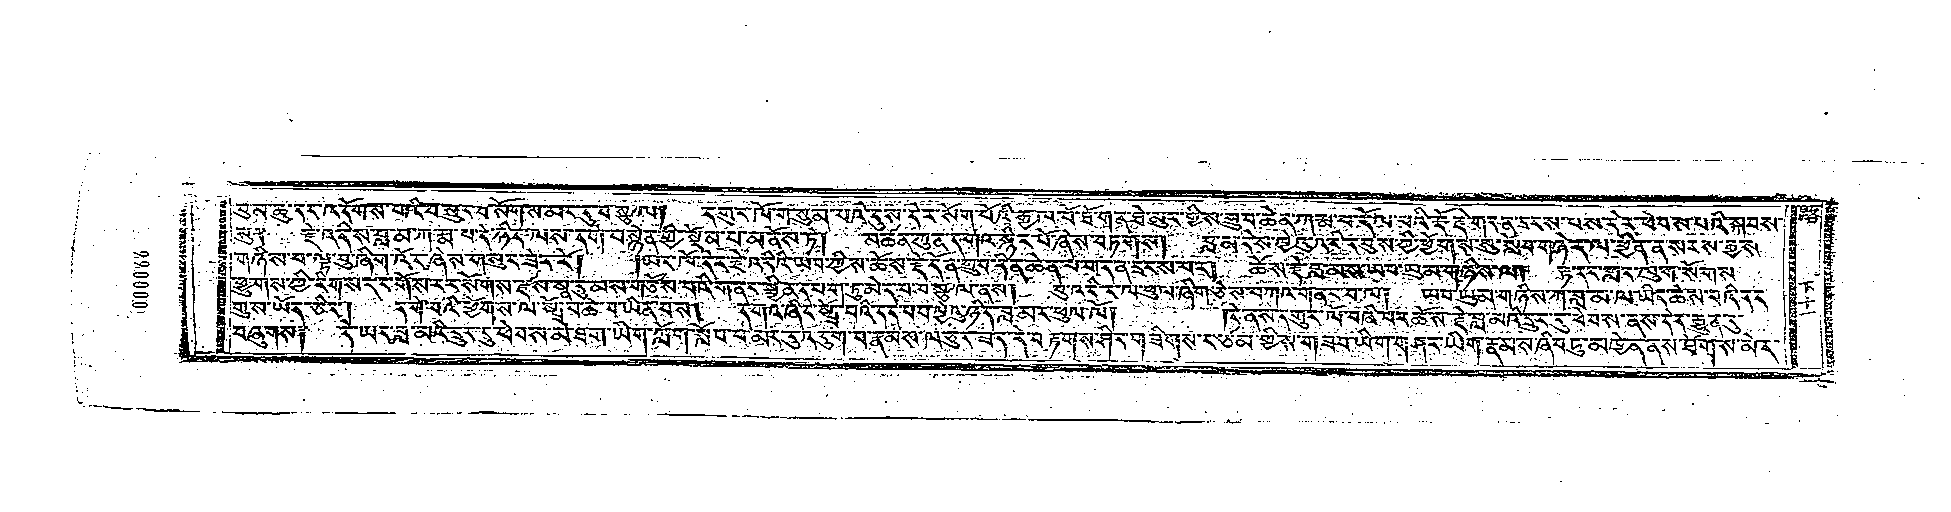བུམ་ཆུ་དང་འདོགས་པའི་བསྲུང་བ་སོགས་མང་དུ་བསྩལ། དགུར་ལོ་གསུམ་པའི་དུས་དེར་སོག་པོའི་རྒྱལ་པོ་ཐོ་གན་ཐེ་མུར་གྱིས་གྲུབ་ཆེན་ཀརྨ་པ་རོ་པའི་རྡོ་རྗེ་གདན་དྲངས་པས་དེར་ཕེབས་པའི་སྐབས་
སུ༑ རྗེ་འདིས་བླ་མ་ཀརྨ་པ་དེ་ཉིད་ལས་དགེ་བསྙེན་གྱི་སྡོམ་པ་མནོས་ཏེ། མཚན་ཀུན་དགའ་སྙིང་པོ་ཞེས་བཏགས། བླ་མ་དེས་ཁྱེའུ་འདི་དབུས་ཀྱི་ཕྱོགས་སུ་སློབ་གཉེར་ལ་ཕྱིན་ན་སངས་རྒྱས་
གཉིས་པ་ལྟ་བུ་ཞིག་འོང་ཞེས་གསུངས་ཟེར་རོ། །ཡང་ལོ་དེར་རྗེ་འདིའི་ཡབ་ཀྱིས་ཆོས་རྗེ་དོན་གྲུབ་རིན་ཆེན་པ་གདན་དྲངས་བར། ཆོས་རྗེ་བླ་མས་ཡབ་ཡུམ་གཉིས་ལ། རྟ་དང་གླང་ལུག་སོགས་
ཕྱུགས་ཀྱི་རིགས་དང་གོས་རར་སོགས་རྫས་སྣ་དུ་མས་གཙོས་བའི་གནད་སྦྱིན་དཔག་ཏུ་མེད་པ་བསྩལ་ནས། བུ་འདི་ང་ལ་གུལ་ཞིག་ཅེས་བཀའ་གནས་བ་ལ། ཡབ་ཡུམ་གཉིས་ཀ་བླ་མ་ལ་ཡིད་ཆེས་བའི་དང་
གུས་ཡོད་ཅིང་། དགེ་བའི་ཕྱོགས་ལ་སྤྲོ་བ་ཆེ་པ་ཡིན་པས། དགའ་ཞིང་སྤྲོ་བའི་དད་པབ་ཁྱེའུ་ཉིད་བླ་མར་ཕུལ་ལོ། །དེ་ནས་དགུར་ལོ་བཞི་པར་ཆོས་རྗེ་བླ་མའི་དྲུང་དུ་ཕེབས་ནས་དེར་རྒྱན་དུ་
བཞུགས༑ དེ་ཡང་བླ་མའི་དྲུང་དུ་ཕེབས་མེ་ཐག་ཡིག་གློག་སློབ་པ་པར་དུ་འདུག་བ་རྣམས་ལ་ཅུང་ཟད་རེ་བརྟགས་ཤིང་གཟིགས་པ་ཙམ་གྱིས་གཟབ་ཡིག་གཤར་ཡིག་རྣམས་ཞིབ་ཏུ་མཁྱེན་ནས་ཐོགས་མེད་